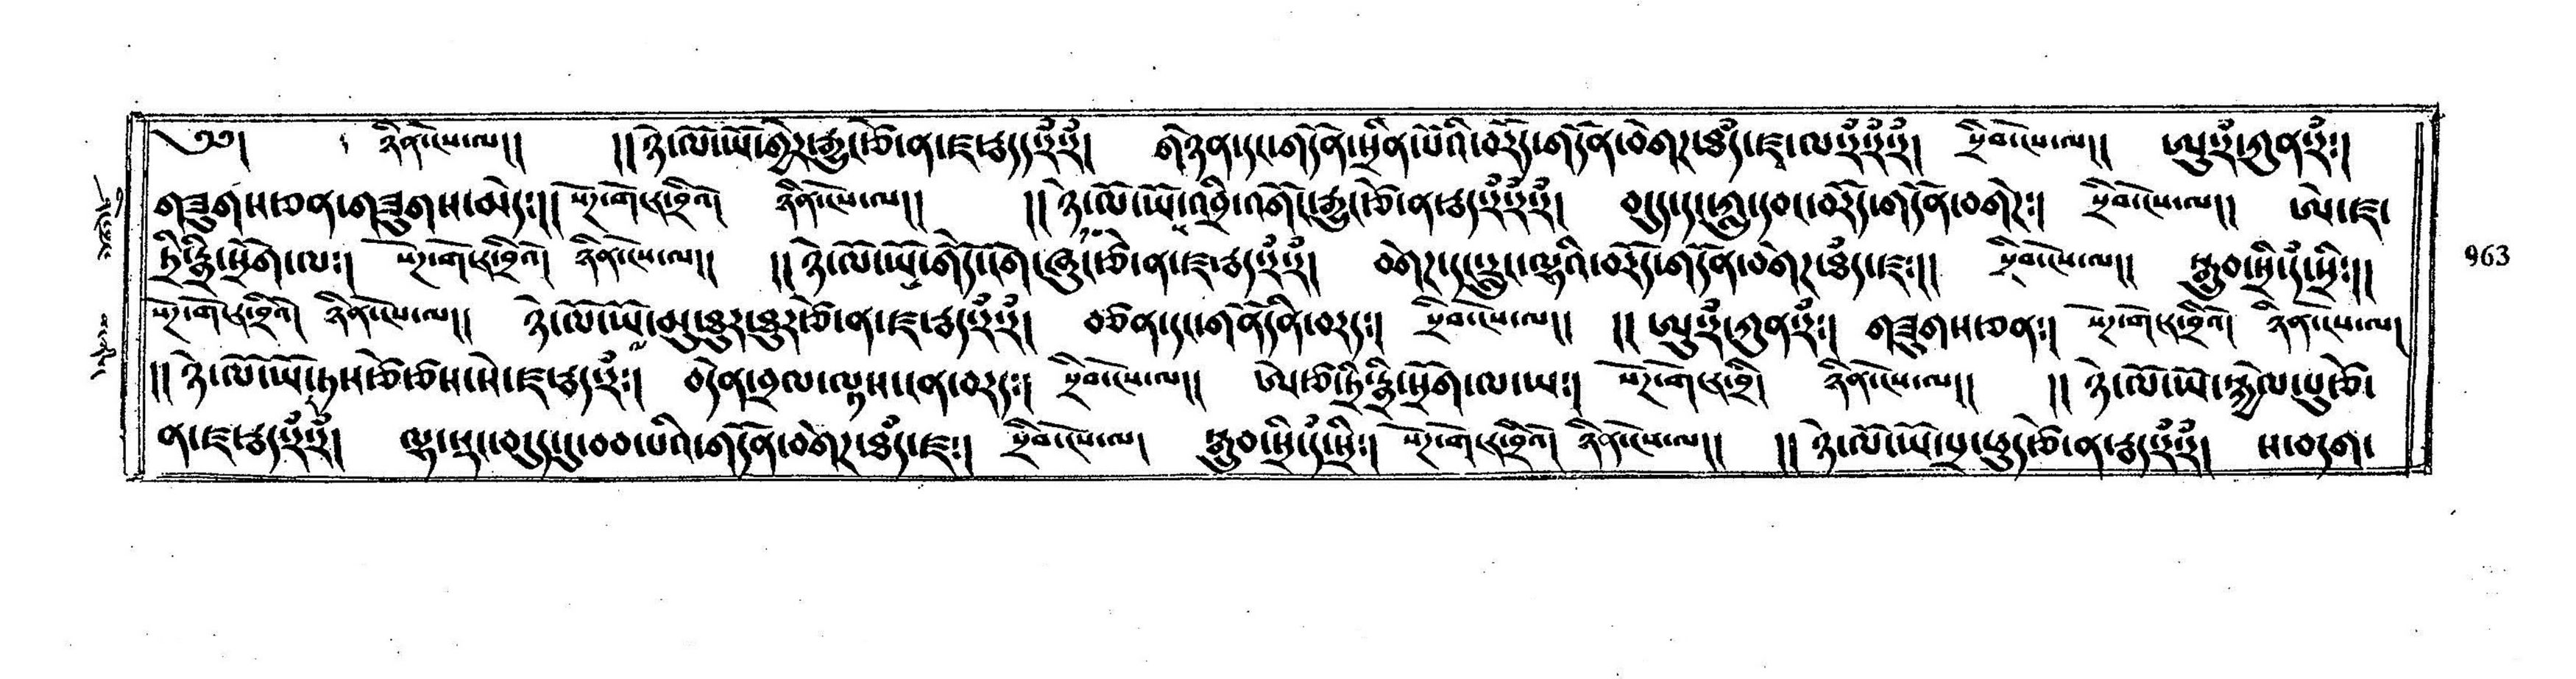ཉིན་ངོས་ལ།། །།ཉེ་ལོ་ཡོ་གྱེར་རྒྱུང་ཙེ་ན་ཛ་རྦད་རྦད་རཾ་རཾ། གཉེན་དང་གདོན་སྲིན་པོའི་བར་ཆོད་གདོན་བགེགས་ཐམས་ཅད་ཛྭ་ལ་རཾ་རཾ་རཾ། སྲིབ་ངོས་ལ།། ཨུ་རཾ་ཀུན་རཾ༴། 
གཟུགས་ཅན་གཟུགས་མེད༴།། སོགས་གོང་ལྟར་བྲིའོ། ཉིན་ངོས་ལ།། །།ཉེ་ལོ་ཡོ་འབྲི་འགོང་རྒྱུང་ཙེ་ན་རྦད་རཾ་རཾ་རཾ། བདུད་དང་ཀླུ་དབང་བར་ཆོད་གདོན་བགེགས༴། སྲིབ་ངོས་ལ།། ཨེ་ཛ་
ཏྲི་རྣྲི་སྲོག་ལ༴། སོགས་གོང་ལྟར་བྲིའོ། ཉིན་ངོས་ལ།། །།ཉེ་ལོ་ཡོ་གེ་ཁོད་ངོག་ཞུང་ཙེ་ན་ཛ་རྦད་རཾ་རཾ། བགེགས་དང་རླུང་ལྷའི་བར་ཆོད་གདོན་བགེགས་ཐམས་ཅད་ཛ༴།། སྲིབ་ངོས་ལ།། སྒྲུབ་སྲི་དམ་སྲི༴།། 
སོགས་གོང་ལྟར་བྲིའོ། ཉིན་ངོས་ལ།། ཉེ་ལོ་ཡོ་མུ་ཐུར་ཐུར་ཙེ་ན་ཛ་རྦད་རཾ་རཾ། བཙན་དང་གནོད་སྦྱིན་བར་ཆད༴། སྲིབ་ངོས་ལ།། །།ཨུ་རཾ་ཀུན་རཾ༴། གཟུགས་ཅན༴། སོགས་གོང་ལྟར་བྲིའོ། ཉིན་ངོས་ལ། 
།།ཉེ་ལོ་ཡོ་ཏས་ཙེ་ཙས་སེ་ཛ་རྦད་རཾ༴། བདེན་བྲལ་ལྟས་ངན་བར་ཆད༴། སྲིབ་ངོས་ལ།། ཨེ་ཙ་ཏྲི་རྣྲི་སྲོག་ལ་ཡ༴། སོགས་གོང་ལྟར་བྲི། ཉིན་ངོས་ལ།། །།ཉེ་ལོ་ཡོ་སྐྱེལ་པུ་ཙེ་
ན་ཛ་རྦད་རཾ་རཾ། ལྷ་སྡང་བདུད་དུ་བབ་པའི་གདོན་བགེགས་ཐམས་ཅད་ཛ༴། སྲིབ་ངོས་ལ། སྒྲུབ་སྲི་དམ་སྲི༴། སོགས་གོང་ལྟར་བྲིའོ། ཉིན་ངོས་ལ།། །།ཉེ་ལོ་ཡོ་པྲ་ཕུད་ཙེ་ན་རྦད་རཾ་རཾ། ས་བདག་